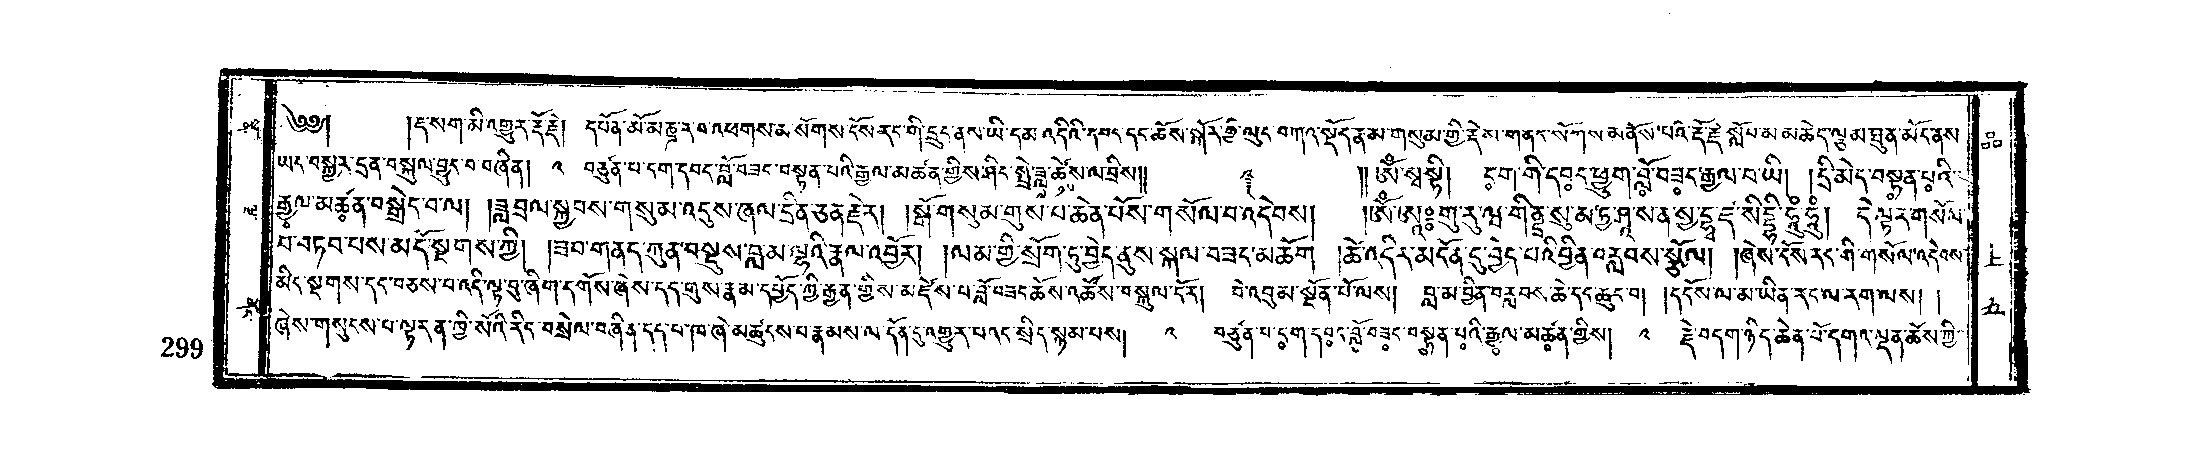༄༅། །ཇ་སག་མི་འགྱུར་རྡོ་རྗེ། དཔོན་མོ་མཎྜ་ར་བ་འཕགས་མ་སོགས་ངོས་རང་གི་དྲུང་ནས་ཡི་དམ་འདིའི་དབང་དང་ཆོས་སྐོར་གྱི་ལུང་བཀའ་སྡོད་རྣམ་གསུམ་གྱི་རྗེས་གནང་སོགས་མནོས་པའི་རྡོ་རྗེ་སློབ་མ་མཆེད་ལྕམ་ཐུན་མོང་ནས་
ཡང་བསྐྱར་དྲན་བསྐུལ་བྱུང་བ་བཞིན། བཙུན་པ་ངག་དབང་བློ་བཟང་བསྟན་པའི་རྒྱལ་མཚན་གྱིས་ཤིང་སྤྲེ་ཟླ ༧་ཚེས ༡༥་ལ་བྲིས།། ༈ །།ཨོཾ་སྭ་སྟི། ངག་གི་དབང་ཕྱུག་བློ་བཟང་རྒྱལ་བ་ཡི། །དྲི་མེད་བསྟན་པའི་
རྒྱལ་མཚན་བསྒྲེང་བ་ལ། །ཟླ་བྲལ་སྐྱབས་གསུམ་འདུས་ཞལ་དྲིན་ཅན་རྗེར། །སྒོ་གསུམ་གུས་པ་ཆེན་པོས་གསོལ་བ་འདེབས། །ཨོཾ་ཨཱཿ གུ་རུ་ཝ་གིནྡྲ་སུ་མ་ཏྱ་ཤཱ་ས་ན་སྱ་དྷྭ་ཛ་སིདྡྷི་ཧཱུཾ་ཧཱུཾ། དེ་ལྟར་གསོལ་
བ་བཏབ་པས་མདོ་སྔགས་ཀྱི། །ཟབ་གནད་ཀུན་བསྡུས་བླ་མ་ལྷའི་རྣལ་འབྱོར། །ལམ་གྱི་སྲོག་ཏུ་བྱེད་ནུས་སྐལ་བཟང་མཆོག །ཚེ་འདིར་མངོན་དུ་བྱེད་པའི་བྱིན་བརླབས་སྩོལ། །ཞེས་ངོས་རང་གི་གསོལ་འདེབས་
མིང་སྔགས་དང་བཅས་པ་འདི་ལྟ་བུ་ཞིག་དགོས་ཞེས་དད་གུས་རྣམ་དཔྱོད་ཀྱི་རྒྱན་གྱིས་མཛེས་པ་བློ་བཟང་ཆོས་འཚོས་བསྐུལ་ངོར། བེ་འབུམ་སྔོན་པོ་ལས། བླ་མ་བྱིན་བརླབས་ཆེ་དང་ཆུང་བ། །དངོས་ལ་མ་ཡིན་རང་ལ་རག་ལས། །
ཞེས་གསུངས་པ་ལྟར་ན་ཁྱི་སོའི་རིང་བསྲེལ་བཞིན་དད་པ་ཁ་ཞེ་མཚུངས་པ་རྣམས་ལ་དོན་དུ་འགྱུར་པའང་སྲིད་སྙམ་པས། བཙུན་པ་ངག་དབང་བློ་བཟང་བསྟན་པའི་རྒྱལ་མཚན་གྱིས། རྗེ་བདག་ཉིད་ཆེན་པོ་དགའ་ལྡན་ཆོས་ཀྱི་